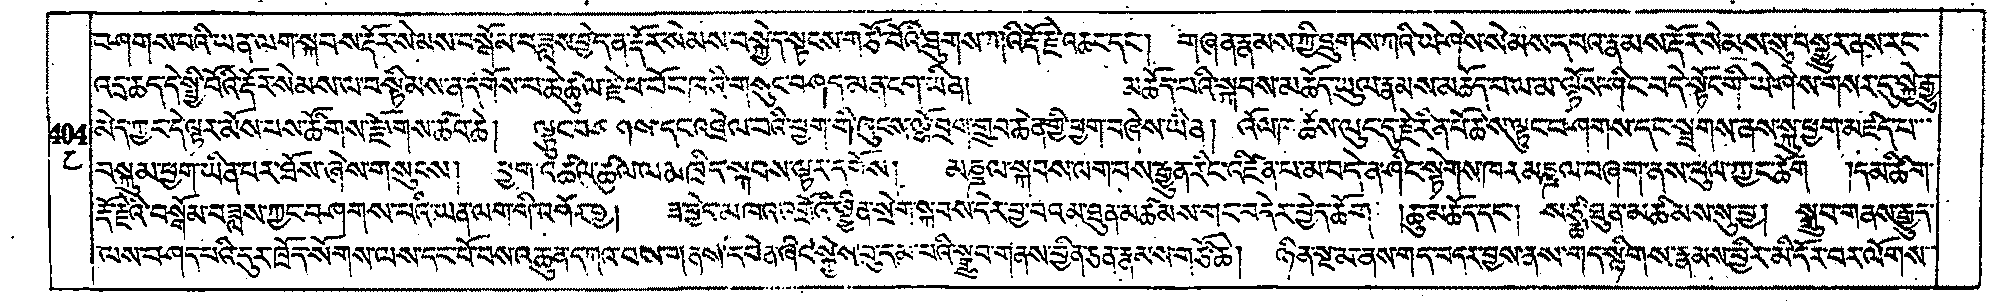བཤགས་པའི་ཡན་ལག་སྐབས་རྡོར་སེམས་བསྒོམ་བཟླས་བྱེད་ན་རྡོར་སེམས་བསྐྱེད་སྟངས་གཙོ་བོའི་ཐུགས་ཀའི་རྡོ་རྗེ་འཆང་དང་། གཞན་རྣམས་ཀྱི་ཐུགས་ཀའི་ཡེ་ཤེས་སེམས་དཔའ་རྣམས་རྡོར་སེམས་སུ་བསྒྱུར་ནས་རང་་་
འདྲ་ཆད་དེ་སྤྱི་བོའི་རྡོར་སེམས་ལ་བསྟིམས་ན་དགོས་པ་ཆེ་ཚུལ་རྗེ་ཕ་བོང་ཁའི་གསུང་བཤད་མན་ངག་ཡིན། མཆོད་པའི་སྐབས་མཆོད་ཡུལ་རྣམས་མཆོད་པ་ལ་མ་ལྟོས་ཤིང་བདེ་སྟོང་གི་ཡེ་ཤེས་གསར་དུ་སྐྱེ་རྒྱུ་
མེད་ཀྱང་དེ་ལྟར་མོས་པས་ཚོགས་རྫོགས་ཚབ་ཆེ། ལྟུང་བཤགས་དང་འབྲེལ་བའི་ཕྱག་གི་ཁུངས་ལྷོ་བྲག་གྲུབ་ཆེན་གྱི་ཕྱག་བཞེས་ཡིན། འོལ་ཁ་ཆོས་ལུང་དུ་རྗེ་རིན་པོ་ཆེས་ལྟུང་བཤགས་དང་སྦྲགས་ནས་སྐུ་ཕྱག་མཛད་པ་་་
བསྐུམ་ཕྱག་ཡིན་པར་ཐོས་ཞེས་གསུངས། ཕྱག་འཚལ་ཚུལ་ཚུལ་ལམ་ཁྲིད་སྐབས་ལྟར་དགོས། མཎྜལ་སྐབས་ལག་པས་རྒྱུན་རིང་འཛིན་པ་མ་བདེ་ན་ཤིང་སྟེགས་ཁར་མཎྜལ་བཞག་ནས་ཕུལ་ཀྱང་ཆོག །དམ་ཚིག་
རྡོ་རྗེའི་བསྒོམ་བཟླས་ཀྱང་བཤགས་པའི་ཡན་ལག་གི་འགོར་བྱ། ཟ་བྱེད་མཁའ་འགྲོའི་སྦྱིན་སྲེག་སྐབས་དེར་བྱ་བའམ་ཐུན་མཚམས་གང་བདེར་བྱེད་ཆོག །ཆུ་མཆོད་དང་། སཙྪ་ཐུན་མཚམས་སུ་བྱ། སྒྲུབ་གནས་རྒྱུད་
ལས་བཤད་པའི་དུར་ཁྲོད་སོགས་ལས་དང་པོ་བས་འཆུན་དཀའ་བས་གནས་དབེན་ཞིང་སྐྱེས་བུ་དམ་པའི་སྒྲུབ་གནས་བྱིན་ཅན་རྣམས་གཙོ་ཨེཆེ། ཉིན་སྔ་མ་ནས་གད་བདར་བྱས་ནས་གད་སྙིགས་རྣམས་ཕྱིར་མི་དོར་བར་ལོགས་་་